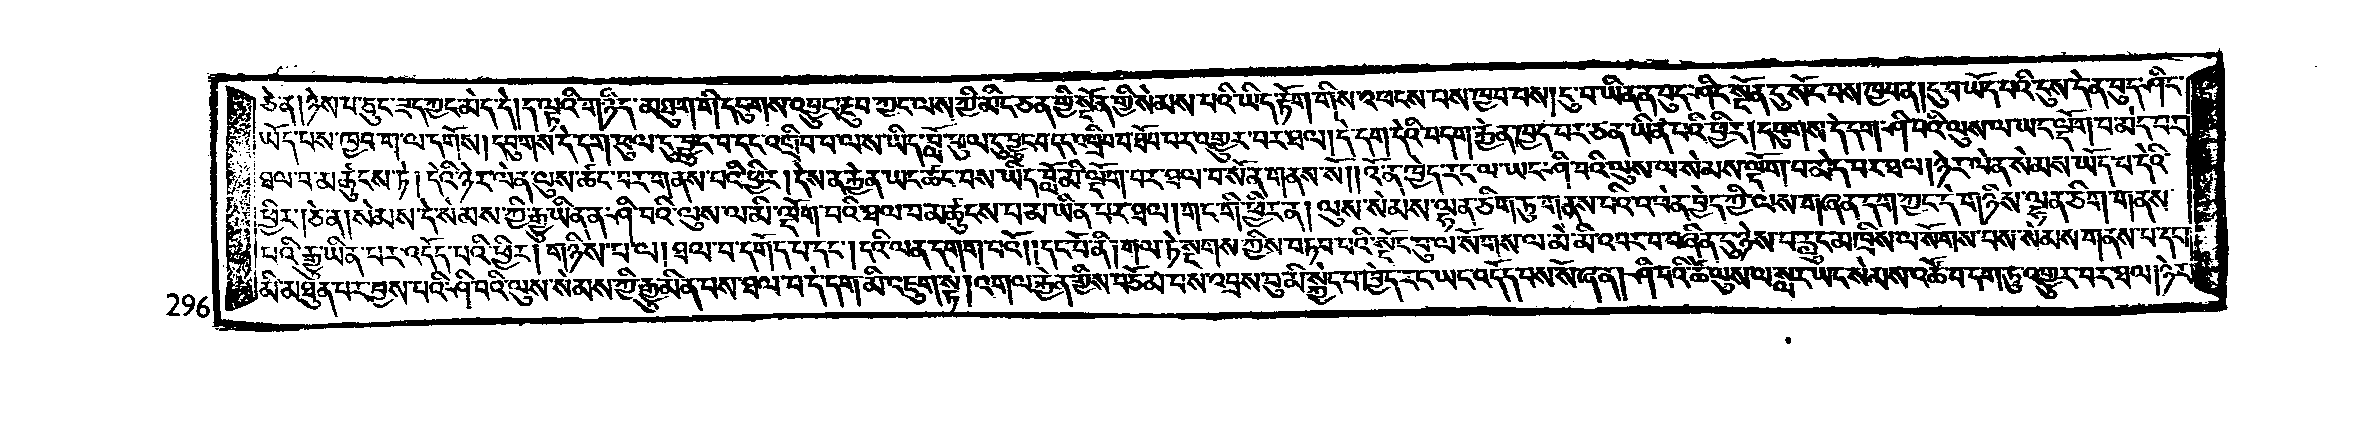ཅེ་ན། ཉེས་པ་ཅུང་ཟད་ཀྱང་མེད་དེ། ད་ལྟའི་གཉིད་མཐུག་གི་དབུགས་འབྱུང་རྔུབ་ཀྱང་ལས་ཀྱི་མིང་ཅན་གྱི་སྔོན་གྱི་སེམས་པའི་ཡིད་རྟོག་གིས་འཕངས་པས་ཁྱབ་པས། དུ་བ་ཡིན་ན་བུད་ཤིང་སྔོན་དུ་སོང་བས་ཁྱབ་ན། དུ་བ་ཡོད་པའི་དུས་དེ་ན་བུད་ཤིང་
ཡོད་པས་ཁྱབ་ག་ལ་དགོས། དབུགས་དེ་དག་ཕུལ་དུ་བྱུང་བ་དང་འགྲིབ་པ་ལས་ཡིད་བློ་ཕུལ་དུ་བྱུང་བ་དང་འགྲིབ་པ་ཐོབ་པར་འགྱུར་བར་ཐལ། དེ་དག་དེའི་བདག་རྐྱེན་ཁྱད་པར་ཅན་ཡིན་པའི་ཕྱིར། དབུགས་དེ་དག་ཤི་པའི་ལུས་ལ་ཡང་ལྡོག་པ་མེད་པར་
ཐལ་བ་མཚུངས་ཏེ། དེའི་ཉེར་ལེན་ལུས་ཚང་བར་གནས་པའི་ཕྱིར། དེས་ན་རྐྱེན་ཡང་ཚང་བས་ཡིད་བློ་མི་ལྡོག་པར་ཐལ་བ་སོ་ན་གནས་སོ། །འོ་ན་ཁྱེད་རང་ལ་ཡང་ཤི་བའི་ལུས་ལ་སེམས་ལྡོག་པ་མེད་པར་ཐལ། ཉེར་ལེན་སེམས་ཡོད་པ་དེའི་
ཕྱིར་།ཅེ་ན། སེམས་དེ་སེམས་ཀྱི་རྒྱུ་ཡིན་ན་ཤི་བའི་ལུས་ལ་མི་ལྡོག་པའི་ཐལ་བ་མཚུངས་པ་མ་ཡིན་པར་ཐལ། གང་གི་ཕྱིར་ན། ལུས་སེམས་ལྷན་ཅིག་ཏུ་གནས་པའི་འཕེན་བྱེད་ཀྱི་ལས་གཞན་དག་ཀྱང་དེ་གཉིས་ལྷན་ཅིག་གནས་
པའི་རྒྱུ་ཡིན་པར་འདོད་པའི་ཕྱིར། གཉིས་པ་ལ། ཐལ་བ་དགོད་པ་དང་། དེའི་ལན་དགག་པའོ། །དང་པོ་ནི། གལ་ཏེ་སྔགས་ཀྱིས་བཏབ་པའི་སྡོང་བུ་ལ་སོགས་ལ་མེ་མི་འབར་བ་བཞིན་དུ་ཉེས་པ་རླུང་མཁྲིས་ལ་སོགས་པས་སེམས་གནས་པ་དང་།
མི་མཐུན་པར་བྱས་པའི་ཤི་བའི་ལུས་སེམས་ཀྱི་རྒྱུ་མིན་པས་ཐལ་བ་དེ་དག་མི་འཇུག་སྟེ། འགལ་རྐྱེན་གྱིས་བཅོམ་པས་འབྲས་བུ་མི་སྐྱེད་པ་ཁྱེད་རང་ཡང་འདོད་པས་སོ་ཞེ་ན། ཤི་བའི་ཚེ་ལུས་ལ་སླར་ཡང་སེམས་འཚོ་བ་དག་ཏུ་འགྱུར་བར་ཐལ། ཉེར་